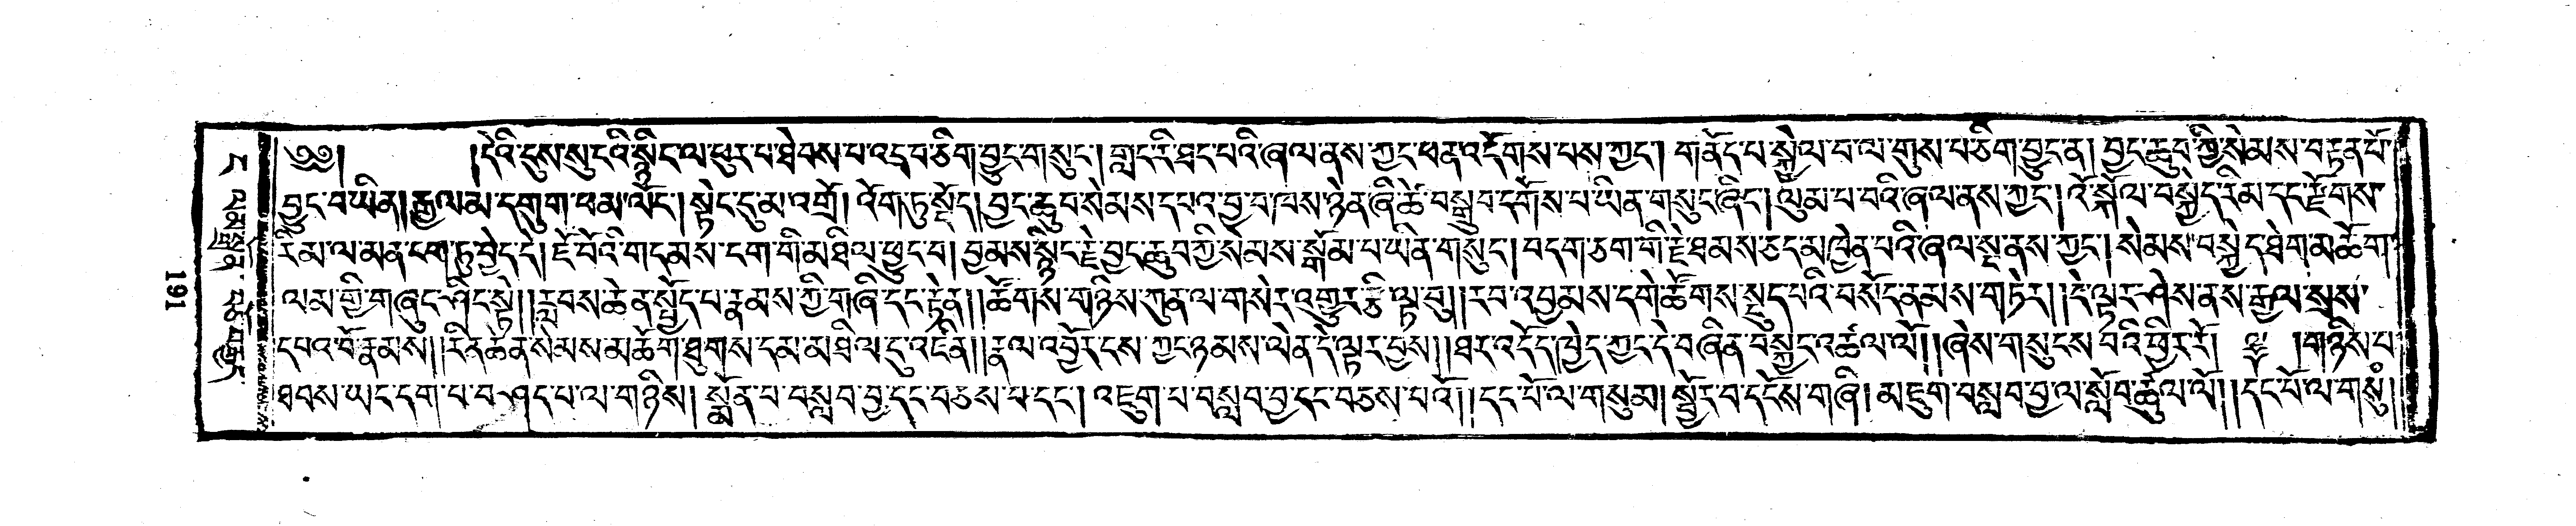༄༅། །དེའི་དུས་སུ་ངའི་སྙིང་ལ་ཕུར་པ་ཐེབས་པ་འདྲ་བ་ཅིག་བྱུང་གསུང་། གླང་རི་ཐང་པའི་ཞལ་ནས་ཀྱང་ཕན་འདོགས་པས་ཀྱང་། གནོད་པ་སྐྱེལ་བ་ལ་གུས་པ་ཅིག་བྱུང་ན། བྱང་ཆུབ་ཀྱི་སེམས་བརྟན་པོ་
བྱུང་བ་ཡིན། རྒྱལ་མ་དགུག་ཕམ་ལོང་། སྟེང་དུ་མ་འགྲོ། འོག་ཏུ་སྡོད། བྱང་ཆུབ་སེམས་དཔའ་བྱ་བ་ཁས་ཉེན་ཞི་ཚེ་བསྒྲུབ་དགོས་པ་ཡིན་གསུང་ཞིང་། ལུམ་པ་བའི་ཞལ་ནས་ཀྱང་། འོ་སྐོལ་བསྐྱེད་རིམ་དང་རྫོགས་
རིམ་ལ་མན་ངག་ཏུ་བྱེད་དེ། ཇོ་བོའི་གདམས་ངག་གི་མཐིལ་ཕྱུང་བ། བྱམས་སྙིང་རྗེ་བྱང་ཆུབ་ཀྱི་སེམས་སྒོམ་པ་ཡིན་གསུང་། བདག་ཅག་གི་རྗེ་ཐམས་ཅད་མཁྱེན་པའི་ཞལ་སྔ་ནས་ཀྱང་། སེམས་བསྐྱེད་ཐེག་མཆོག་
ལམ་གྱི་གཞུང་ཤིང་སྟེ། །རླབས་ཆེན་སྤྱོད་པ་རྣམས་ཀྱི་གཞི་དང་རྟེན། །ཚོགས་གཉིས་ཀུན་ལ་གསེར་འགྱུར་རྩི་ལྟ་བུ། །རབ་འབྱམས་དགེ་ཚོགས་སྡུད་པའི་བསོད་ནམས་གཏེར། །དེ་ལྟར་ཤེས་ནས་རྒྱལ་སྲས་
དཔའ་བོ་རྣམས། །རིན་ཆེན་སེམས་མཆོག་ཐུགས་དམ་མཐིལ་དུ་འཛིན། །རྣལ་འབྱོར་ངས་ཀྱང་ཉམས་ལེན་དེ་ལྟར་བྱས། །ཐར་འདོད་ཁྱེད་ཀྱང་དེ་བཞིན་བསྐྱང་འཚལ་ལོ། །ཞེས་གསུངས་པའི་ཕྱིར་རོ། ༈ །གཉིས་པ་
ཐབས་ཡང་དག་པ་བཤད་པ་ལ་གཉིས། སྨོན་པ་བསླབ་བྱ་དང་བཅས་པ་དང་། འཇུག་པ་བསླབ་བྱ་དང་བཅས་པའོ། །དང་པོ་ལ་གསུམ། སྦྱོར་བ་དངོས་གཞི། མཇུག་བསླབ་བྱ་ལ་སློབ་ཚུལ་ལོ། །དང་པོ་ལ་གསུཾ།